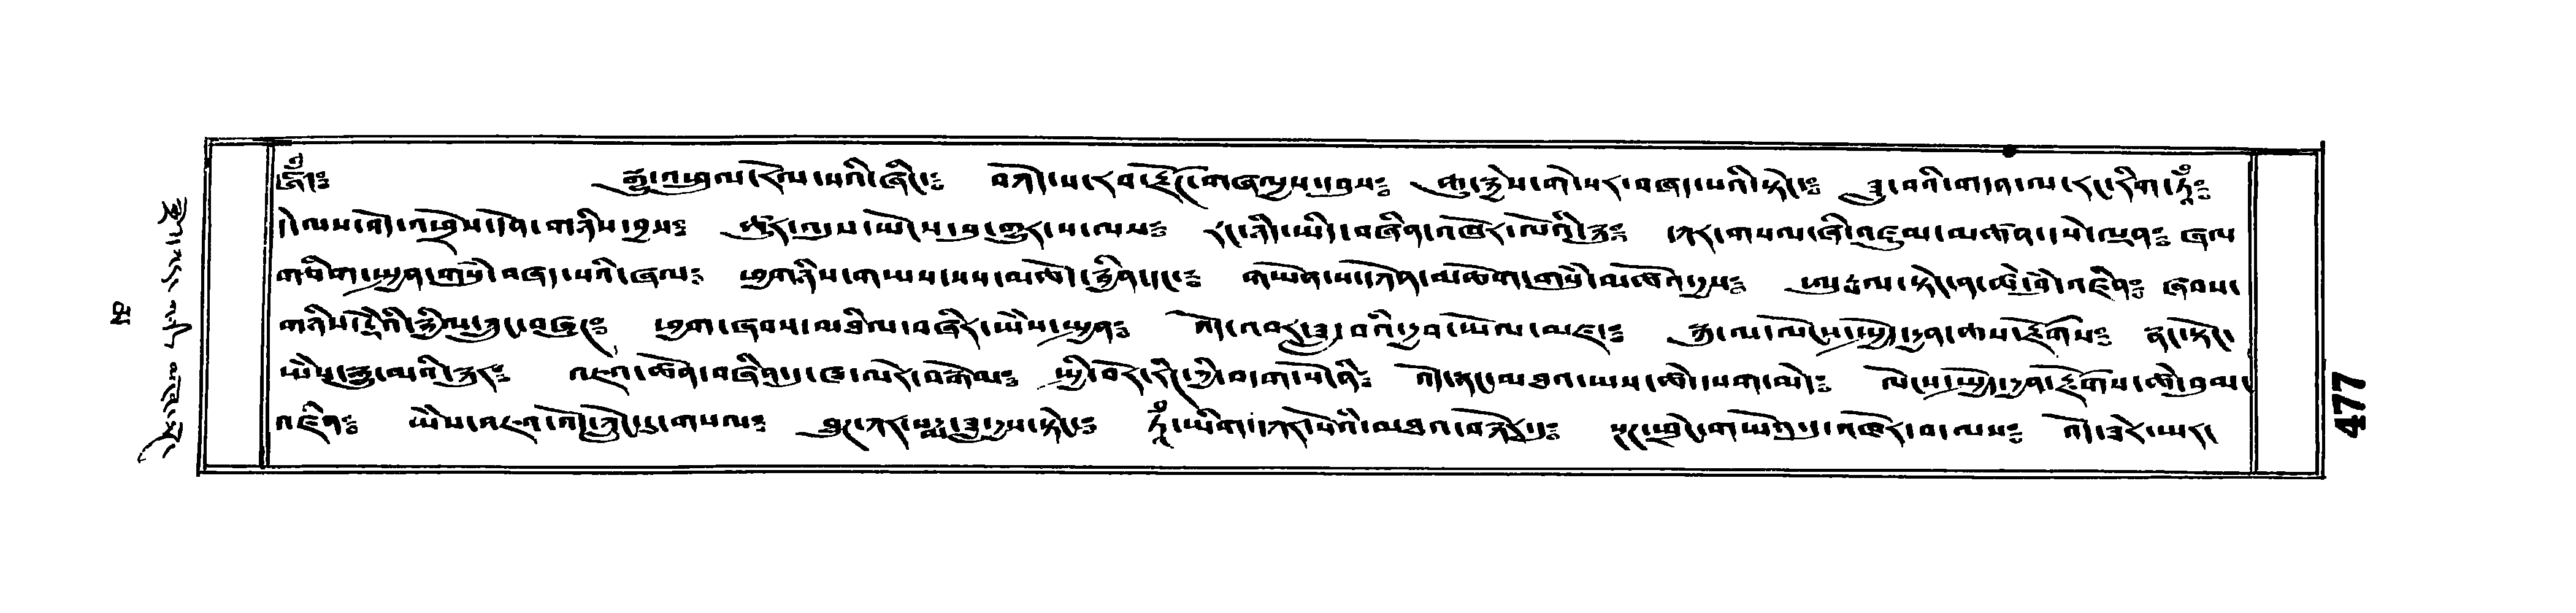སྒྱུ་འཕྲུལ་རོལ་པའི་ཞིང༔ བཀོད་པ་རབ་རྫོགས་གཞལ་ཡས་དབུས༔ ཆུ་སྐྱེས་གེ་སར་བཞད་པའི་སྟེང༔ ཟླ་བའི་གདན་ལ་རང་རིག་ཏཱྃ༔ 
དེ་ལས་འོད་འཕྲོས་དོན་གཉིས་བྱས༔ ཚུར་འདུས་ཡོངས་སུ་གྱུར་པ་ལས༔ རང་ཉིད་ཡིད་བཞིན་འཁོར་ལོའི་སྐུ༔ དཀར་གསལ་ཞི་འཛུམ་མཚན་དཔེ་ལྡན༔ ཞལ་
གཅིག་སྤྱན་གསུམ་བཞད་པའི་ཞལ༔ ཕྱག་གཉིས་གཡས་པས་མཆོད་སྦྱིན་དང༔ གཡོན་པ་དཀོན་མཆོག་གསུམ་མཚོན་རྒྱས༔ ཨུཏྤལ་སྟེང་ན་ཚེ་བུམ་འཛིན༔ ཞབས་
གཉིས་རྡོ་རྗེའི་སྐྱིལ་ཀྲུང་བཞུགས༔ ཕྱག་ཞབས་མཐིལ་བཞིར་ཡེ་ཤེས་སྤྱན༔ འོད་འབར་ཟླ་བའི་རྒྱབ་ཡོལ་མཛད༔ སྐུ་ལ་ལོངས་སྤྱོད་རྒྱན་ཆས་རྫོགས༔ སྣང་སྟོང་
ཡེ་ཤེས་སྒྱུ་མའི་སྐུར༔ འཇའ་ཚོན་བཞིན་དུ་ཝ་ལེར་བསྒོམ༔ སྤྱི་བོར་རིགས་ཀྱི་བདག་པོ་ནི༔ འོད་སྣང་མཐའ་ཡས་ཚེ་དཔག་མེད༔ ལོངས་སྤྱོད་རྒྱན་རྫོགས་ཚེ་བུམ་
འཛིན༔ ཡེ་ཤེས་འཇའ་འོད་ཀློང་དུ་གསལ༔ ཐུགས་ཀར་པདྨ་ཟླ་རྒྱས་སྟེང༔ ཏཱྃ་ཡིག་དཀར་པོའི་མཐའ་བསྐོར་དུ༔ སྔགས་ཕྲེང་གཡོན་དུ་འཁོར་བ་ལས༔ འོད་ཟེར་ཡར་